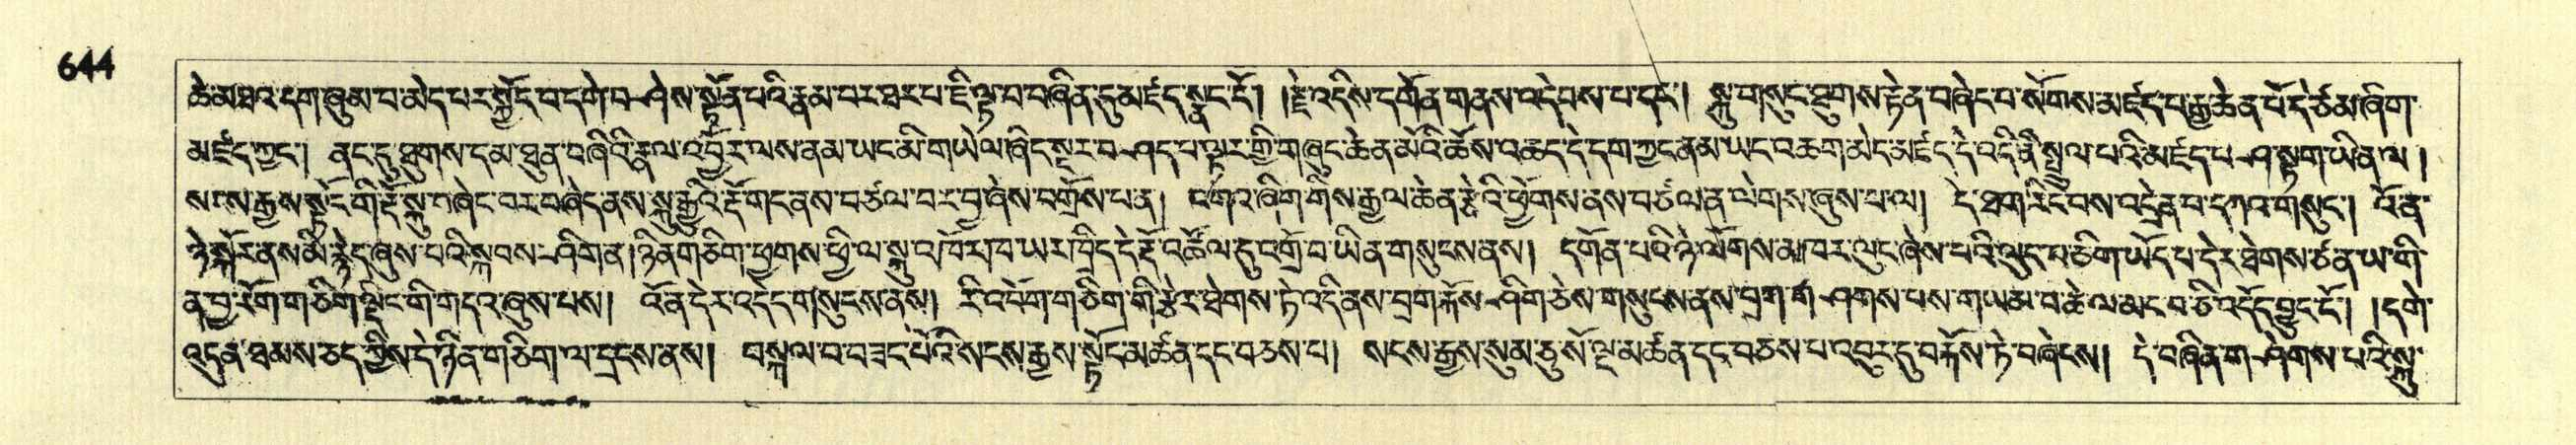ཆེ་མཐའ་དག་ཞུམ་བ་མེད་པར་སྐྱོང་བ་དགེ་བཤེས་སྟོན་པའི་རྣམ་པར་ཐར་པ་ཇི་ལྟ་བ་བཞིན་དུ་མཛད་སྣང་ངོ། །རྗེ་འདིས་དགོན་གནས་འདེབས་པ་དང་། སྐུ་གསུང་ཐུགས་རྟེན་བཞེང་བ་སོགས་མཛད་པ་རྒྱ་ཆེན་པོ་དེ་ཙམ་ཞིག་
མཛད་ཀྱང་། ནང་དུ་ཐུགས་དམ་ཐུན་བཞིའི་རྣལ་འབྱོར་ལས་ནམ་ཡང་མི་གཡེལ་ཞིང་སྔར་བཤད་པ་ལྟར་གྱི་གཞུང་ཆེན་མོའི་ཆོས་འཆད་དེ་དག་ཀྱང་ནམ་ཡང་འཆག་མེད་མཛད་དེ་འདི་ནི་སྤྲུལ་པའི་མཛད་པ་ཤ་སྟག་ཡིན་ལ།
སངས་རྒྱས་སྟོང་གི་རྡོ་སྐུ་བཞེང་བར་བཞེད་ནས་སྐུ་རྒྱུའི་རྡོ་གང་ནས་བཙལ་བར་བྱ་ཞེས་བགྲོས་པ་ན། འགའ་ཞིག་གིས་རྒྱལ་ཆེན་རྩེའི་ཕྱོགས་ནས་བཙལ་ན་ལེགས་ཞུས་པ་ལ། དེ་ཐག་རིང་བས་འདྲེན་བ་དཀའ་གསུང་། འོ་ན་
ཉེ་སྐོར་ནས་མི་རྙེད་ཞུས་པའི་སྐབས་ཤིག་ན། ཉིན་གཅིག་ཕྱགས་ཕྱི་ལ་སྐུ་འཁོར་ཁ་ཡར་ཁྲིད་དེ་རྡོ་འཚོལ་དུ་འགྲོ་བ་ཡིན་གསུངས་ནས། དགོན་པའི་ཉེ་ལོགས་མཁར་ལུང་ཞེས་པའི་ལུང་བ་ཅིག་ཡོད་པ་དེར་ཐེགས་ཙ་ན་ཡ་གི་
ན་བྱ་རོག་གཅིག་ལྡིང་གི་གདའ་ཞུས་པས། འོ་ན་དེར་འདེད་གསུངས་ནས། རི་འབོག་གཅིག་གི་རྩེར་ཐེགས་ཏེ་འདི་ནས་བྲག་རྐོས་ཤིག་ཅེས་གསུངས་ནས་བྲག་གཤེགས་པས་གཡམ་བ་ཆེ་ལ་མང་བ་ཅི་འདོད་བྱུང་ངོ། །དགེ་
འདུན་ཐམས་ཅད་ཀྱིས་དེ་ཉིན་གཅིག་ལ་དྲངས་ནས། བསྐལ་བ་བཟང་པོའི་སངས་རྒྱས་སྟོང་མཚན་དང་བཅས་པ། སངས་རྒྱས་སུམ་ཅུ་སོ་ལྔ་མཚན་དང་བཅས་པ་འབུར་དུ་བརྐོས་ཏེ་བཞེངས། དེ་བཞིན་གཤེགས་པའི་སྐུ་